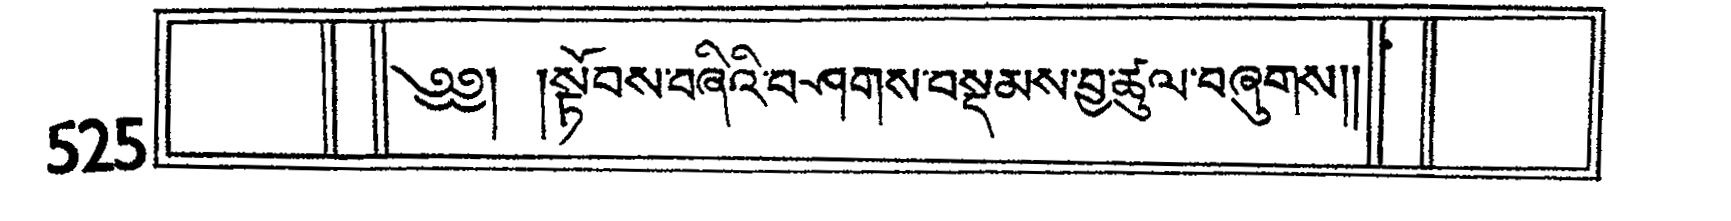༄༅། །སྟོབས་བཞིའི་བཤགས་བསྡམས་བྱ་ཚུལ་བཞུགས།།